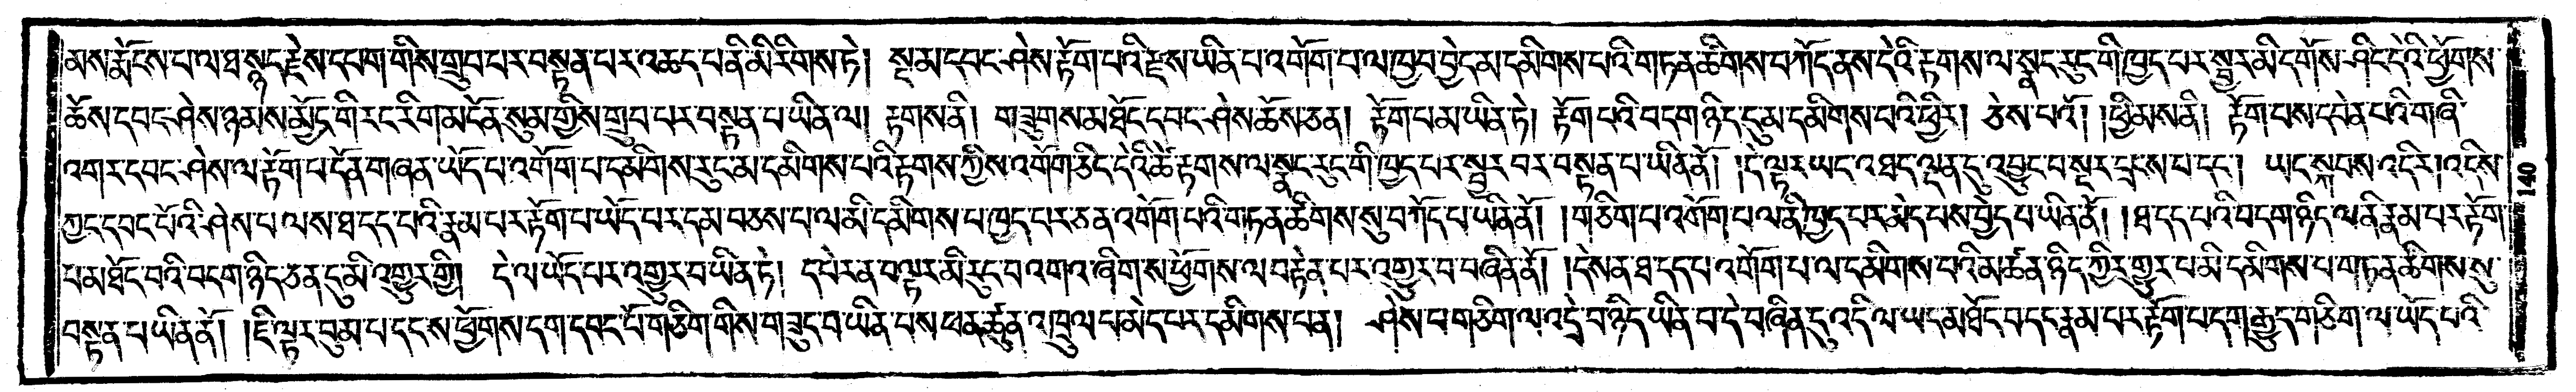མས་རྨོངས་པ་ལ་ཐ་སྙད་རྗེས་དཔག་གིས་གྲུབ་པར་བསྟན་པར་འཆད་པ་ནི་མི་རིགས་ཏེ། སྔ་མ་དབང་ཤེས་རྟོག་པའི་རྫས་ཡིན་པ་འགོག་པ་ལ་ཁྱབ་བྱེད་མ་དམིགས་པའི་གཏན་ཚིགས་བཀོད་ནས་དེའི་རྟགས་ལ་སྣང་རུང་གི་ཁྱད་པར་སྦྱར་མི་དགོས་ཤིང་དེའི་ཕྱོགས་
ཆོས་དབང་ཤེས་ཉམས་མྱོང་གི་རང་རིག་མངོན་སུམ་གྱིས་གྲུབ་པར་བསྟན་པ་ཡིན་ལ། རྟགས་ནི། གཟུགས་མཐོང་དབང་ཤེས་ཆོས་ཅན། རྟོག་པ་མ་ཡིན་ཏེ། རྟོག་པའི་བདག་ཉིད་དུ་མ་དམིགས་པའི་ཕྱིར། ཅེས་པའོ། །ཕྱི་མས་ནི། རྟོག་པས་དབེན་པའི་གཞི་
འགར་དབང་ཤེས་ལ་རྟོག་པ་དོན་གཞན་ཡོད་པ་འགོག་པ་དམིགས་རུང་མ་དམིགས་པའི་རྟགས་ཀྱིས་འགོག་ཅིང་དེའི་ཚེ་རྟགས་ལ་སྣང་རུང་གི་ཁྱད་པར་སྦྱར་བར་བསྟན་པ་ཡིན་ནོ། །དེ་ལྟར་ཡང་འཐད་ལྡན་དུ་འབྱུང་བ་སྔར་དྲངས་པ་དང་། ཡང་སྐབས་འདིར། འདིས་
ཀྱང་དབང་པོའི་ཤེས་པ་ལས་ཐ་དད་པའི་རྣམ་པར་རྟོག་པ་ཡོད་པར་དམ་བཅས་པ་ལ་མི་དམིགས་པ་ཁྱད་པར་ཅན་འགོག་པའི་གཏན་ཚིགས་སུ་བཀོད་པ་ཡིན་ནོ། །གཅིག་པ་འགོག་པ་ལ་ནི་ཁྱད་པར་མེད་པས་བྱེད་པ་ཡིན་ནོ། །ཐ་དད་པའི་བདག་ཉིད་ལ་ནི་རྣམ་པར་རྟོག་
པ་མཐོང་བའི་བདག་ཉིད་ཅན་དུ་མི་འགྱུར་གྱི། དེ་ལ་ཡོད་པར་འགྱུར་བ་ཡིན་ཏེ། དཔེར་ན་བལྟར་མི་རུང་བ་འགའ་ཞིག་ས་ཕྱོགས་ལ་བརྟེན་པར་འགྱུར་བ་བཞིན་ནོ། །དེས་ན་ཐ་དད་པ་འགོག་པ་ལ་དམིགས་པའི་མཚན་ཉིད་ཀྱིར་གྱུར་པ་མི་དམིགས་པ་གཏན་ཚིགས་སུ་
བསྟན་པ་ཡིན་ནོ། །ཇི་ལྟར་བུམ་པ་དང་ས་ཕྱོགས་དག་དབང་པོ་གཅིག་གིས་གཟུང་བ་ཡིན་པས་ཕན་ཚུན་འཁྲུལ་པ་མེད་པར་དམིགས་པ་ན། ཤེས་པ་གཅིག་ལ་འདྲེ་བ་ཉིད་ཡིན་པ་དེ་བཞིན་དུ་འདི་ལ་ཡང་མཐོང་བ་དང་རྣམ་པར་རྟོག་པ་དག་རྒྱུད་གཅིག་ལ་ཡོད་པའི་